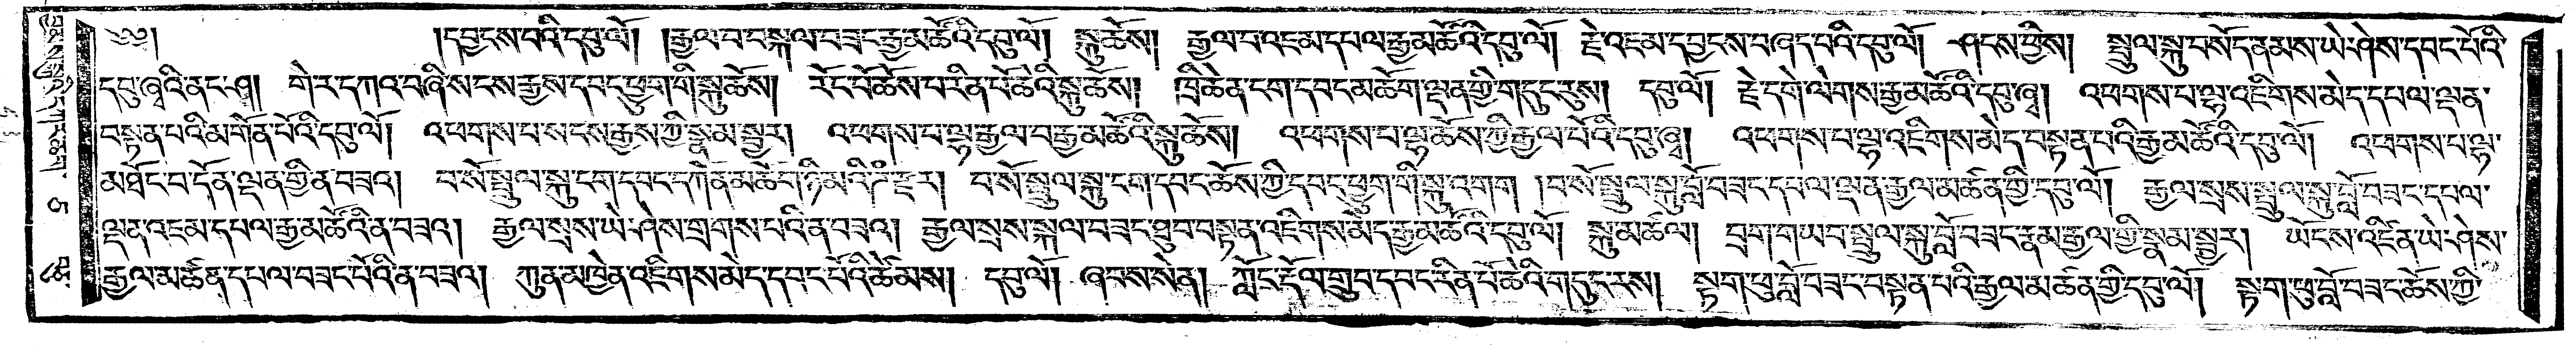༄༅། །དབྱངས་པའི་དབུ་ལོ། །རྒྱལ་བ་བསྐལ་བཟང་རྒྱ་མཚོའི་དབུ་ཡོ། །སྐུ་ཆོས། རྒྱལ་བ་འཇམ་དཔལ་རྒྱ་མཚོའི་དབུ་ལོ། རྗེ་འཇམ་དབྱངས་བཞད་པའི་དབུ་ལོ། ཤངས་ཕྱིས། སྦྲུལ་སྐུ་བསོད་ནམས་ཡེ་ཤེས་དབང་པོའི་
དབུ་ཞྭའི་ནང་ཤ། གེར་དཀའ་བཞི་སངས་རྒྱས་དབང་ཕྱུག་གི་སྐུ་ཆོས། རོང་པོ་ཆོས་བ་རིན་པོ་ཆེའི་སྐུ་ཆོས། ཁྲི་ཆེན་ངག་དབང་མཆོག་ལྡན་གྱི་གདུང་རུས། དབུ་ལོ། རྗེ་དགེ་ལེགས་རྒྱ་མཚོའི་དབུ་ཞྭ། འཕགས་པ་ལྷ་འཇིགས་མེད་དཔལ་ལྡན་
བསྟན་པའི་མགོན་པོའི་དབུ་ལོ། འཕགས་པ་སངས་རྒྱས་ཀྱི་སྣམ་སྒྱུར། འཕགས་པ་ལྷ་རྒྱལ་བརྒྱ་མཚོའི་སྐུ་ཆོས། འཕགས་པ་ལྷ་ཆོས་ཀྱི་རྒྱལ་པོའི་དབུ་ཞྭ། འཕགས་པ་ལྷ་འཇིགས་མེད་བསྟན་པའི་རྒྱ་མཚོའི་དབུ་ལོ། འཕགས་པ་ལྷ་
མཐོང་བ་དོན་ལྡན་གྱི་ན་བཟའ། བ་སོ་སྤྲུལ་སྐུ་ངག་དབང་དཀོན་མཆོག་ཉིས་མའི་ཌཾ་ཐར། བ་སོ་སྤྲུལ་སྐུ་ངག་དབང་ཆོས་ཀྱི་དབང་ཕྱུག་གི་སྐུ་འགག །བ་སོ་སྦྲུལ་སྐུ་བློ་བཟང་དཔལ་ལྡན་རྒྱལ་མཚན་གྱི་དབུ་ལོ། རྒྱལ་སྲས་སྦྲུལ་སྐུ་བློ་བཟང་དཔལ་
ལྡན་འཇམ་དཔལ་རྒྱ་མཚོའི་ན་བཟའ། རྒྱལ་སྲས་ཡེ་ཤེས་གྲགས་པའི་ན་བཟའ། རྒྱལ་སྲས་སྐལ་བཟང་ཐུར་བསྟན་འཇིགས་མེད་རྒྱ་མཚོའི་དབུ་ལོ། སྐུ་མཚལ། བྲག་གཡབ་སྦྲུལ་སྐུ་བློ་བཟང་རྣམ་རྒྱལ་གྱི་སྣམ་སྦྱར། ཡོངས་འཛིན་ཡེ་ཤེས་
རྒྱལ་མཚན་དཔལ་བཟང་པོའི་ན་བཟའ། ཀུན་མཁྱེན་འཇིགས་མེད་དབང་པོའི་ཚེམས། དབུ་ལོ། ཞབས་སེན། ཀློང་རྡོལ་གྲུབ་དབང་རིན་པོ་ཆེའི་གདུང་རས། སྟག་ཕུ་བློ་བཟང་བསྟན་པའི་རྒྱལ་མཚན་གྱི་དབུ་ལོ། སྟག་ཕུ་བློ་བཟང་ཆོས་ཀྱི་